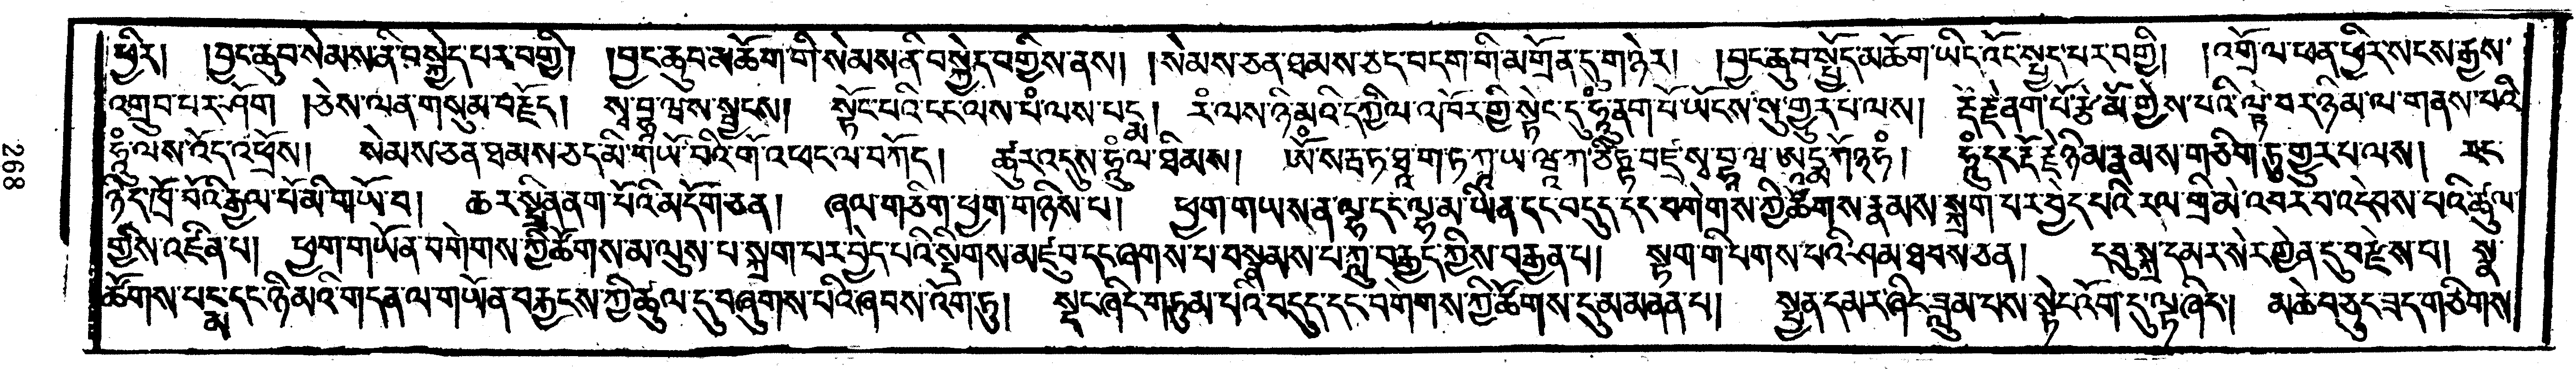ཕྱིར། །བྱང་ཆུབ་སེམས་ནི་བསྐྱེད་པར་བགྱི། །བྱང་ཆུབ་མཆོག་གི་སེམས་ནི་བསྐྱེད་བགྱིས་ནས། །སེམས་ཅན་ཐམས་ཅད་བདག་གི་མགྲོན་དུ་གཉེར། །བྱང་ཆུབ་སྤྱོད་མཆོག་ཡིད་འོང་སྤྱད་པར་བགྱི། །འགྲོ་ལ་ཕན་ཕྱིར་སངས་རྒྱས་
འགྲུབ་པར་ཤོག །ཅེས་ལན་གསུམ་བརྗོད། སྭ་བྷཱ་ཝས་སྦྱངས། སྟོང་པའི་ངང་ལས་པཾ་ལས་པདམ། རཾ་ལས་ཉི་མའི་དཀྱིལ་འཁོར་གྱི་སྟེང་དུ་ཧཱུཾ་ནག་པོ་ཡོངས་སུ་གྱུར་པ་ལས། རྡོ་རྗེ་ནག་པོ་རྩེ་མོ་གྱེས་པའི་ལྟེ་བར་ཉི་མ་ལ་གནས་པའི་
ཧཱུཾ་ལས་འོད་འཕྲོས། སེམས་ཅན་ཐམས་ཅད་མི་གཡོ་བའི་གོ་འཕང་ལ་བཀོད། ཚུར་འདུས་ཧཱུཾ་ལ་ཐིམས། ཨོཾ་སརྦ་ཏ་ཐཱ་ག་ཏ་ཀཱ་ཡ་ཝཱ་ཀ་ཙིཏྟ་བཛྲ་སྭ་བྷཱ་ཝ་ཨཱདམ་ཀོཉཧཾ། ཧཱུཾ་དང་རྡོ་རྗེ་ཉི་མ་རྣམས་གཅིག་ཏུ་གྱུར་པ་ལས། རང་
ཉིད་ཁྲོ་བོའི་རྒྱལ་པོ་མི་གཡོ་བ། ཆར་སྤྲིན་ནག་པོའི་མདོག་ཅན། ཞལ་གཅིག་ཕྱག་གཉིས་པ། ཕྱག་གཡས་ན་ལྷ་དང་ལྷ་མ་ཡིན་དང་བདུད་དང་བགེགས་ཀྱི་ཚོགས་རྣམས་སྐྲག་པར་བྱེད་པའི་རལ་གྲི་མེ་འབར་བ་འདེབས་པའི་ཚུལ་
གྱིས་འཛིན་པ། ཕྱག་གཡོན་བགེགས་ཀྱི་ཚོགས་མ་ལུས་པ་སྐྲག་པར་བྱེད་པའི་སྡིགས་མཛུབ་དང་ཞགས་པ་བསྣམས་པ་ཀླུ་བརྒྱད་ཀྱིས་བརྒྱན་པ། སྟག་གི་པགས་པའི་ཤམ་ཐབས་ཅན། དབུ་སྐྲ་དམར་སེར་གྱེན་དུ་བརྫེས་པ། སྣ་
ཚོགས་པདམ་དང་ཉི་མའི་གདན་ལ་གཡོན་བརྐྱངས་ཀྱི་ཚུལ་དུ་བཞུགས་པའི་ཞབས་འོག་ཏུ། སྡང་ཞིང་གཏུམ་པའི་བདུད་དང་བགེགས་ཀྱི་ཚོགས་དུ་མ་མནན་པ། སྤྱན་དམར་ཞིང་ཟླུམ་པས་སྟེང་འོག་དུ་ལྟ་ཞིང་། མཆེ་བཅུང་ཟད་གཅིགས་